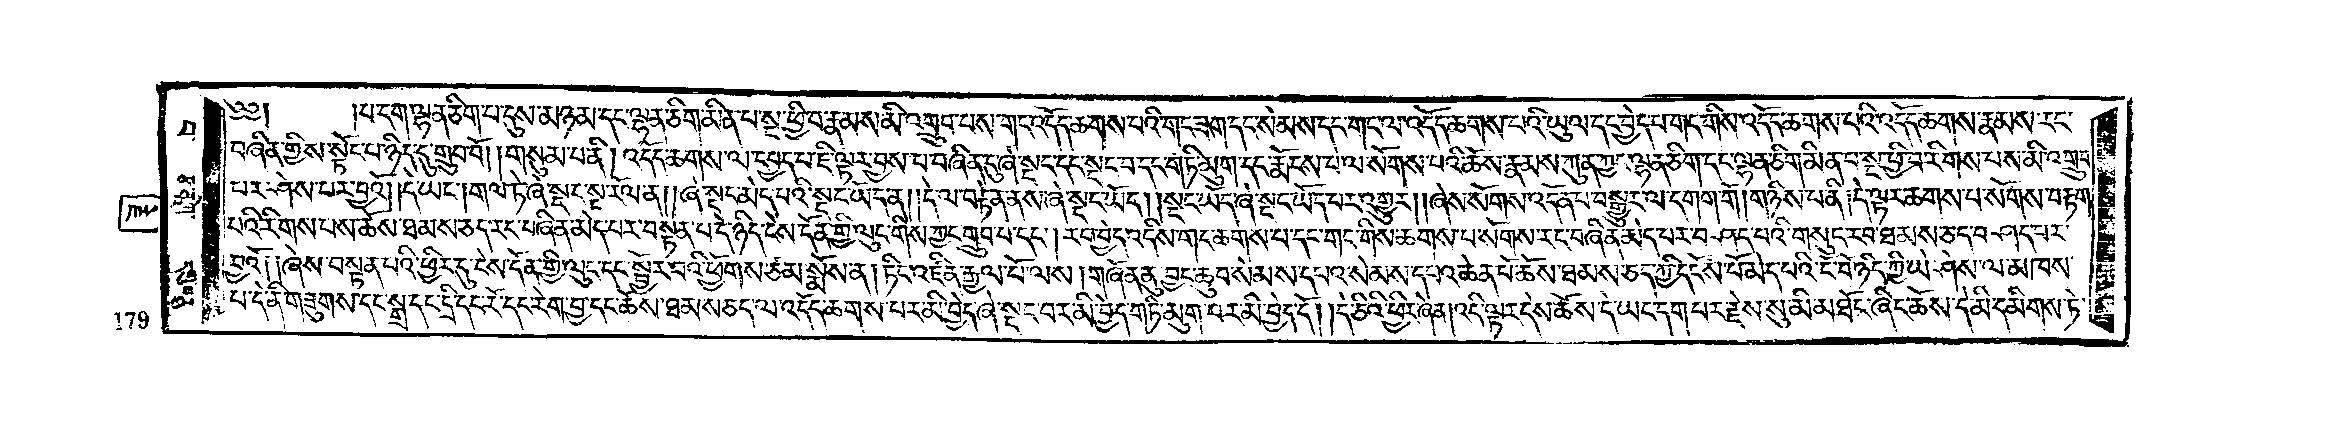༄༅། །པ་དག་ལྷན་ཅིག་པ་དུས་མཉམ་དང་ལྷན་ཅིག་མིན་པ་སྔ་ཕྱི་བ་རྣམས་མི་འགྲུབ་པས་གང་འདོད་ཆགས་པའི་གང་ཟག་དང་སེམས་དང་གང་ལ་འདོད་ཆགས་པའི་ཡུལ་དང་བྱེད་པ་གང་གིས་འདོད་ཆགས་པའི་འདོད་ཆགས་རྣམས་རང་
བཞིན་གྱིས་སྟོང་པ་ཉིད་དུ་གྲུབ་པོ། །གསུམ་པ་ནི། འདོད་ཆགས་ལ་སྤྱད་པ་ཇི་ལྟར་བྱས་བཞིན་དུ་ཞེ་སྡང་དང་སྡང་བ་དང་གཏི་མུག་དང་རྨོང་པ་ལ་སོགས་པའི་ཆོས་རྣམས་ཀུན་ཀྱང་ལྷན་ཅིག་དང་ལྷན་ཅིག་མིན་པ་སྔ་ཕྱི་བ་རིག་ས་མི་འགྲུབ་
པར་ཤེས་པར་བྱའོ། །དེ་ཡང་། གལ་ཏེ་ཞེ་སྡང་སྔ་རོལ་ན། །ཞེ་སྡང་སེམས་པའི་སྡང་ཡོད་ན། །དེ་ལ་བརྟན་ནས་ཞེ་སང་ཡོད། །སྔར་ཡོད་ཞེས་དང་ཡོད་པར་འགྱུར། །ཞེས་སོག་འདོན་བསྒྱུར་ལ་དགག་གོ། །གཉིས་པ་ནི། དེ་ལྟར་ཆགས་པ་སོགས་བྲག་
པའི་རིགས་པས་ཆོས་ཐམས་ཅད་རང་བཞིན་མེད་པར་བསྟན་པ་དེ་ཉིད་ངེས་དོན་གྱི་ལུང་གིས་ཀྱང་གྲུབ་པ་དང་། རབ་བྱེད་འདིས་གང་ཆགས་པ་དང་གང་གིས་ཆགས་པ་སོགས་རང་བཞིན་མེད་པར་བཤད་པའི་གསུང་རབ་ཐམས་ཅད་བཤད་པར་
བྱའོ༑ ༑ཞེས་བསྟན་པའི་ཕྱིར་དུ་ངེས་དོན་གྱི་ལུང་དང་སྦྱོར་བའི་ཕྱོགས་ཙམ་སྨོས་ན། ཏིང་འཛིན་རྒྱལ་པོ་ལས་།གཞོན་ནུ་བྱང་ཆུབ་སེམས་དཔའ་སེམས་དཔའ་ཆེན་པོ་ཆོས་ཐམ་ཅ་ཀྱི་དོག་པས་མེད་པའི་ངོ་བོ་ཉི་ཀྱི་ཡེ་ཤེས་ལ་མཁས་
པ་དེ་ནི་གཟུགས་དང་སྒྲ་དང་དྲི་དང་རོ་དང་རེག་བྱ་དང་ཆོས་ཐམས་ཅད་ལ་འདོད་ཆགས་པར་མི་བྱེད་ཞེ་སྡང་བར་མི་བྱེད་གཏི་མུག་པར་མི་བྱེད་དོ། །དེ་ཅིའི་ཕྱིར་ཞེ་ན། འདི་ལྟར་དེས་ཆོས་དེ་ཡང་དག་པར་རྗེས་སུ་མི་མཐོང་ཞིང་ཆོས་དེ་མི་དམིགས་ཏེ་